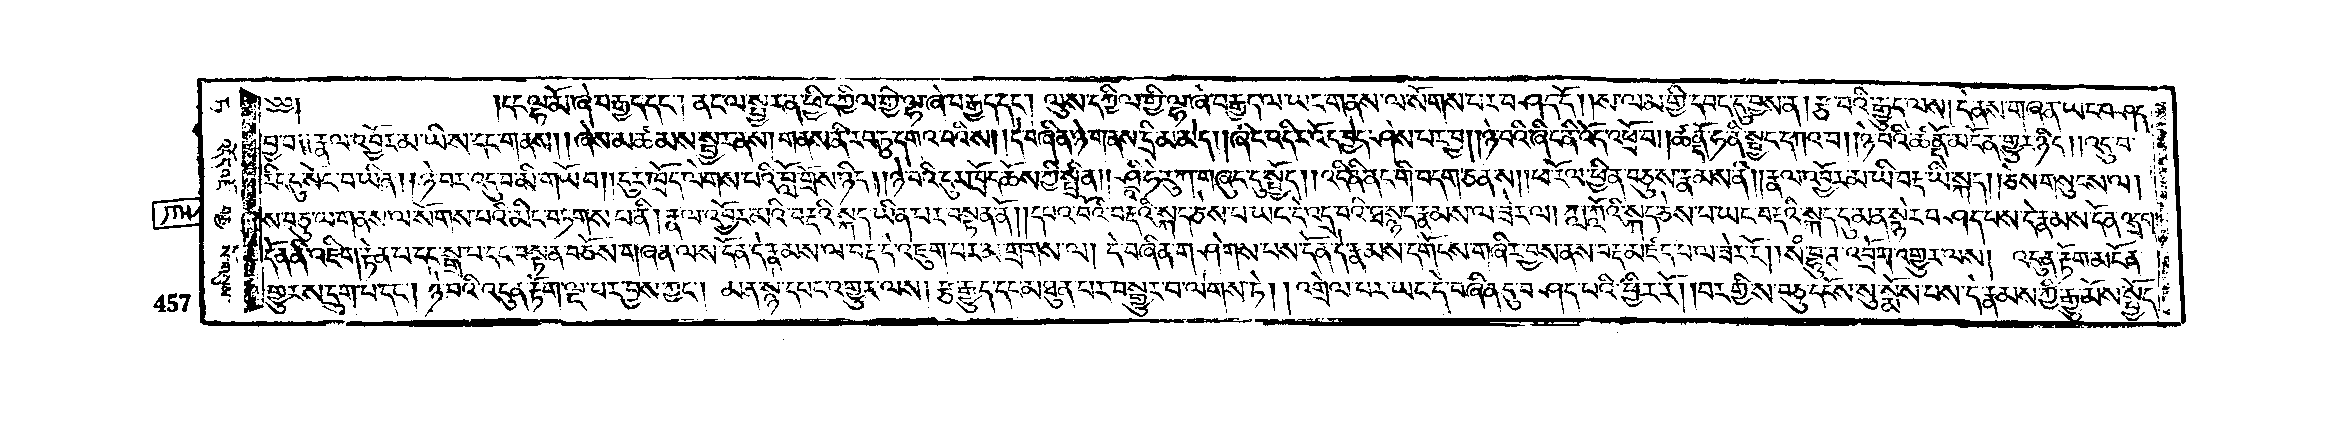༄༅། །དང་ལྷ་མོ་ཞེ་བརྒྱད་དང་། ནང་ལ་སྦྱར་ན་ཕྱི་དཀྱིལ་གྱི་ལྷ་ཞེ་བརྒྱད་དང་། ལུས་དཀྱིལ་གྱི་ལྷ་ཞེ་བརྒྱད་ལ་ཡང་གནས་ལ་སོགས་པར་བཤད་དོ། །ས་ལམ་གྱི་དབང་དུ་བྱས་ན། རྩ་བའི་རྒྱུད་ལས། དེ་ནས་གཞན་ཡང་བཤད་
བྱ་བ། །རྣལ་འབྱོར་མ་ཡི་ས་དང་གནས། །ཞེས་མཚམས་སྦྱར་ནས། གནས་ནི་རབ་ཏུ་དགའ་བའི་ས། །དེ་བཞིན་ཉེ་གནས་དྲི་མ་མེད། །ཞིང་འདིར་འོད་བྱེད་ཤེས་པར་བྱ། །ཉེ་བའི་ཞིང་ནི་འོད་འཕྲོ་བ། །ཚནྡོ་ཧ་ནི་སྦྱང་དཀའ་བ། །ཉེ་བའི་ཚནྡོ་མངོན་གྱུར་ཉིད། །འདུ་བ་
རིང་དུ་སོང་བ་ཡིན། །ཉེ་བར་འདུ་བ་མི་གཡོ་བ། །དུར་ཁྲོད་ལེགས་པའི་བློ་གྲོས་ཉིད། །ཉེ་བའི་དུར་ཁྲོད་ཆོས་ཀྱི་སྤྲིན། །ཤྲཱི་ཧེ་རུ་ཀ་གཞུང་དུ་སྤྱོད། །འདི་ནི་ནང་གི་བདག་ཅན་ས། །ཕ་རོལ་ཕྱིན་བཅུ་ས་རྣམས་ནི། །རྣལ་འབྱོར་མ་ཡི་བརྡ་ཡི་སྐད། །ཅེས་གསུངས་ལ།
ས་བཅུ་ལ་གནས་ལ་སོགས་པའི་མིང་བཏགས་པ་ནི། རྣལ་འབྱོར་མའི་བརྡའི་སྐད་ཡིན་པར་བསྟན་ནོ། །དཔའ་བོའི་བརྡའི་སྐད་ཅེས་པ་ཡང་དེ་འདྲ་བའི་ཐ་སྙད་རྣམས་ལ་ཟེར་ལ། ཀླ་ཀློའི་སྐད་ཅེས་པ་ཡང་བརྡའི་སྐད་དུ་མན་སྙེར་བཤད་པས་དེ་རྣམས་དོན་འདྲའོ། །
དོན་ནི་འཇིག་རྟེན་པ་དང་སྒྲ་པ་དང་བསྟན་བཅོས་གཞན་ལས་དོན་དེ་རྣམས་ལ་བརྡ་དེ་འཇུག་པར་མ་གྲགས་ལ། དེ་བཞིན་གཤེགས་པས་དོན་དེ་རྣམས་དགོངས་གཞིར་བྱས་ནས་བརྡ་མཛད་པ་ལ་ཟེར་རོ། །སཾ་བྷུ་ཊ་འབྲོག་འགྱུར་ལས། འདུན་རྟོག་མངོན་
གྱུར་ས་དྲུག་པ་དང་། ཉེ་བའི་འདུན་རྟོག་ལྔ་པར་བྱས་ཀྱང་། མན་སྙེ་དབང་འགྱུར་ལས། རྩ་རྒྱུད་དང་མཐུན་པར་བསྒྱུར་བ་ལེགས་ཏེ། །འགྲེལ་པར་ཡང་དེ་བཞིན་དུ་བཤད་པའི་ཕྱིར་རོ། །བར་གྱི་ས་བཅུ་དངོས་སུ་སྨོས་པས་དེ་རྣམས་ཀྱི་རྒྱུ་མོས་སྤྱོད་